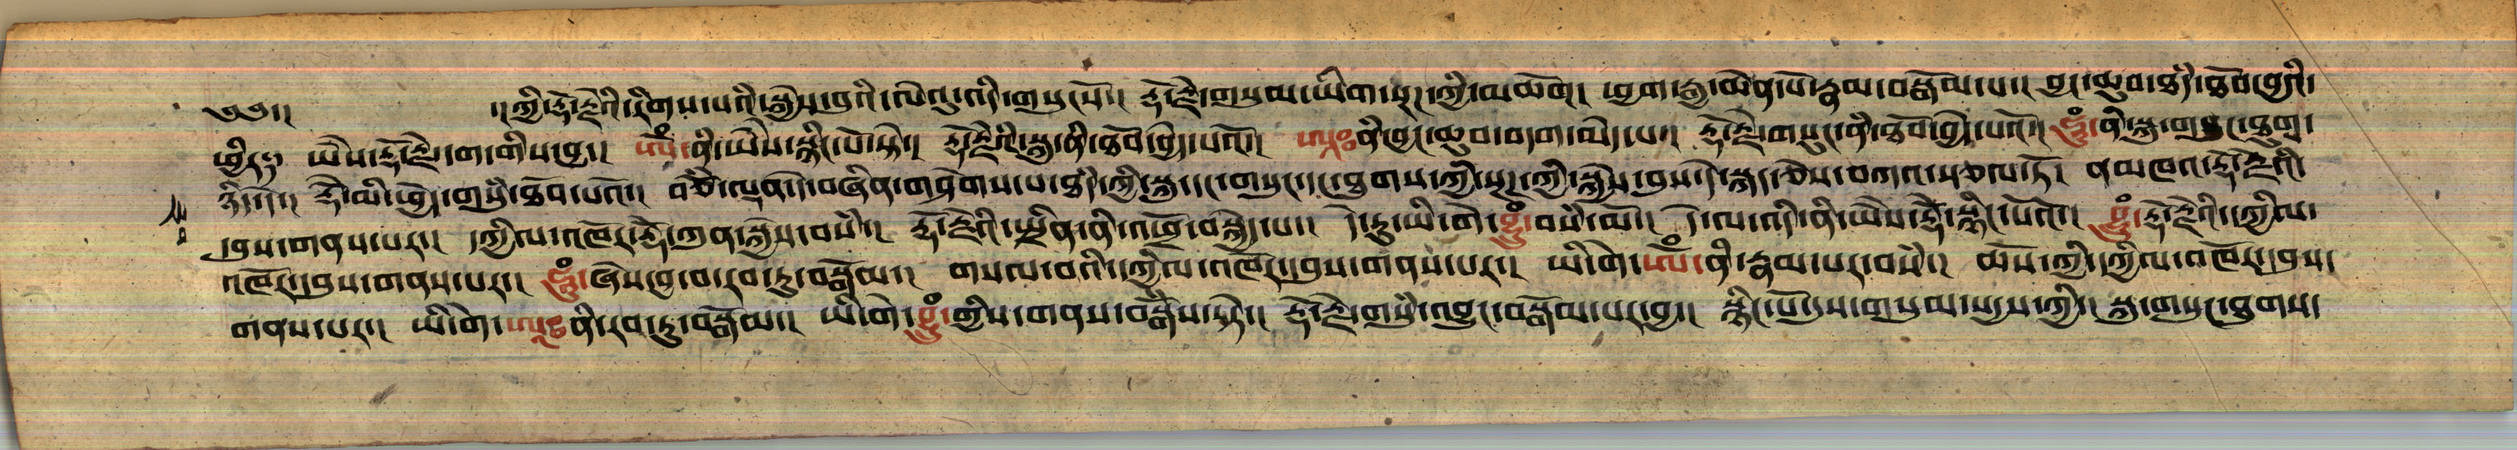༄༅་། ་།ཀྱི་རྡོ་རྗེའི་རིགས་པའི་སྐྱེས་བུའི་ལེའུ་འདི་གསུངསོ་། རྡོ་རྗེ་གསུམ་ཡིག་སྔཌ་ཀྱི་མཆོག། ཕྱག་རྒྱ་ཆེན་པོ་རྣམ་བསྒོམ་པ་། བྱང་ཆུབ་ཐཾད་ཐོབ་བྱའི་
ཕྱིར༑ ཡཻས་རྡོ་རྗེ་དག་གིས་བྱུང་། ཨོཾ་ནི་ཡཻས་སྙིང་པོ་སྟེ་། རྡོ་རྗེའི་སྐུ་ནི་ཐོབ་བྱེད་པའོ་། ཨཱཿནི་བྱང་ཆུབ་བདག་མེད་པ་། རྡོ་རྗེ་གསུང་ནི་ཐོབ་བྱེད་པའོ་། ཧཱུཾ་ནི་སྐུ་གསུང་ཐུགས་
ཉིད་དོ་།། རྡོེ་མི་ཕྱེད་གསུཾ་ཐོབ་པའོ་། བཅོཾ་ལྡན་དེ་བཞིན་གཤེགས་པ་ཐཾད་ཀྱི་སྐུ་དང་གསུང་དང་ཐུགས་ཀྱི་སྔཌ་ཀྱི་སྐྱེས་བུས་དེ་སྐད་ཅེས་བཀའ་སྩལ་ཏོ། ནམཁའ་རྡོ་རྗེའི་
དབུས་གནས་པར་། དཀྱིལ་འཁོར་རྡོེ་ཀུན་སྐྱེས་བསཾ་། རྡོ་རྗེའི་སྤྲིན་ནི་འཕྲོ་བསྐྱེད་པ་། དེ་རུ་ཡི་གེ་བྷྲུཾ་བསཾ་མོ་། དེ་ལ་འདི་ནི་ཡཻས་རྡོེ་སྙིང་པོའོ་། བྷྲུཾ་རྡོ་རྗེའི་དཀྱིལ་
འཁོར་དབུས་གནས་པར་། ཧཱུཾ་ཞེས་བྱ་བ་རབ་ཏུ་བསྒོམ་། གསལ་བའི་དཀྱིལ་འཁོར་དབུས་གནས་པར་། ཡི་གེ་ཨོཾ་ནི་རྣམ་པར་བསཾ་། ཆོས་ཀྱི་དཀྱིལ་འཁོར་དབུས་
གནས་པར་། ཡི་གེ་ཨཱཿནི་རབ་ཏུ་བསྒོམ་། ཡི་གེ་བྷྲུཾ་གྱིས་གནས་བསྒོཾས་སྟེ་། རྡོ་རྗེ་གསུཾ་འབྱུང་བསྒོམ་པར་བྱ་། སྙིང་པོ་དུས་གསུམ་སདྱས་ཀྱི་། སྐུ་གསུང་ཐུགས་